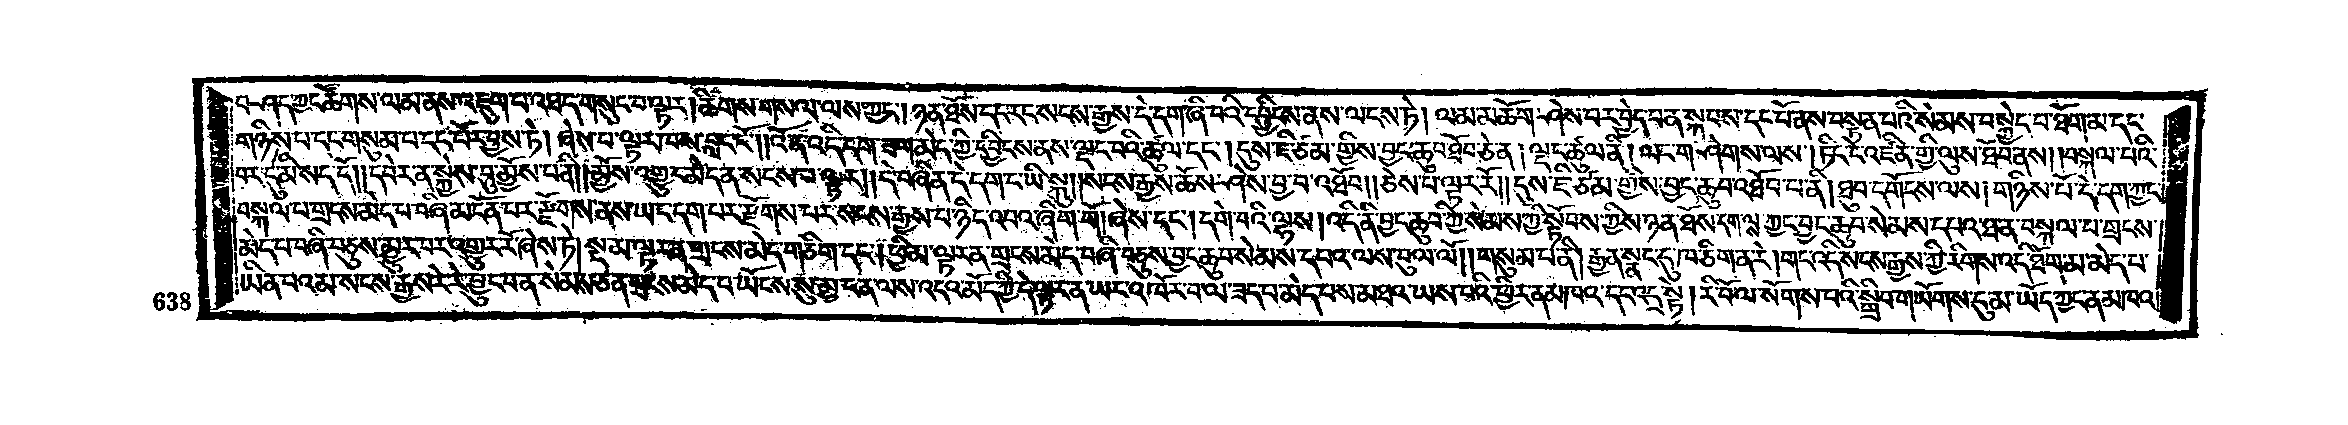བཤད་ཀྱང་ཚོགས་ལམ་ནས་འཇུག་པ་འཐད་གསུང་བ་ལྟར། ཚིགས་གསལ་ལས་ཀྱང་། ཉན་ཐོས་དང་རང་སངས་རྒྱས་དེ་དག་ཞི་བའི་དབྱིངས་ནས་ལངས་ཏེ། ལམ་མཆོག་ཤེས་པར་བྱེད་པ་ན་སྐབས་དང་པོ་ནས་བསྟན་པའི་སེམས་བསྐྱེད་པ་ཐོག་མ་དང་
གཉིས་པ་དང་གསུམ་པ་དང་པོར་བྱས་ཏེ། ཞེས་པ་ལྟར་ཁས་བླང་ངོ། །འོ་ན་འདི་དག་ཟག་མེད་ཀྱི་དབྱིངས་ནས་ལྡང་བའི་ཚུལ་དང་། དུས་ཇི་ཙམ་གྱིས་བྱང་ཆུབ་ཐོབ་ཅེ་ན། ལྡང་ཚུལ་ནི། ལང་གཤེགས་ལས། ཏིང་ངེ་འཛིན་གྱི་ལུས་ཐོབ་ནས། །བསྐལ་པའི་
བར་དུ་མི་སད་དོ། །དཔེར་ན་སྐྱེས་བུ་མྱོས་པ་ནི། །མྱོས་འགྱུར་མེད་ན་སངས་པ་ལྟར། །དེ་བཞིན་དེ་དག་ང་ཡི་སྐུ། །སངས་རྒྱས་ཆོས་ཤེས་བྱ་བ་འཐོབ། །ཅེས་པ་ལྟར་རོ། །དུས་ཇི་ཙམ་གྱིས་བྱང་ཆུབ་འཐོབ་པ་ནི། ཐུབ་དགོངས་ལས། གཉིས་པོ་དེ་དག་ཀྱང་
བསྐལ་བ་གྲངས་མེད་པ་བཞི་མངོན་པར་རྫོགས་ནས་ཡང་དག་པར་རྫོགས་པར་སངས་རྒྱས་པ་ཉིད་འབའ་ཞིག་གོ །ཞེས་དང་། དགེ་བའི་ལྷས། འདི་ནི་བྱང་ཆུབ་ཀྱི་སེམས་ཀྱི་སྟོབས་ཀྱིས་ཉན་ཐོས་དག་ལས་ཀྱང་བྱང་ཆུབ་སེམས་དཔའ་ཐ་ན་བསྐལ་པ་གྲངས་
མེད་པ་བཞི་བཅུས་མྱུར་བར་འགྱུར་རོ་ཞེས་ཏེ། སྔ་མ་ལྟར་ན་གྲངས་མེད་གཅིག་དང་། ཕྱི་མ་ལྟར་ན་གྲངས་མེད་བཞི་བཅུས་བྱང་ཆུབ་སེམས་དཔའ་ལས་བུལ་ལོ། །གསུམ་པ་ནི། རྒྱན་སྣང་དུ་ཁ་ཅིག་ན་རེ། གང་འདི་སངས་རྒྱས་ཀྱི་རིགས་འདི་ཐོག་མ་མེད་པ་
ཡིན་པའམ་སངས་རྒྱས་རེ་རེ་བྱུང་བ་ན་སེམས་ཅན་གྲངས་མེད་པ་ཡོངས་སུ་མྱ་ངན་ལས་འདའ་མོད་ཀྱི་དེ་ལྟར་ན་ཡང་འཁོར་བ་ལ་ཟད་པ་མེད་པས་མཐའ་ཡས་པའི་ཕྱིར་ནམ་མཁའ་དང་འདྲ་སྟེ། རི་བོ་ལ་སོགས་པའི་སྒྲིབ་གཡོགས་དུ་མ་ཡོད་ཀྱང་ནམ་མཁའ་